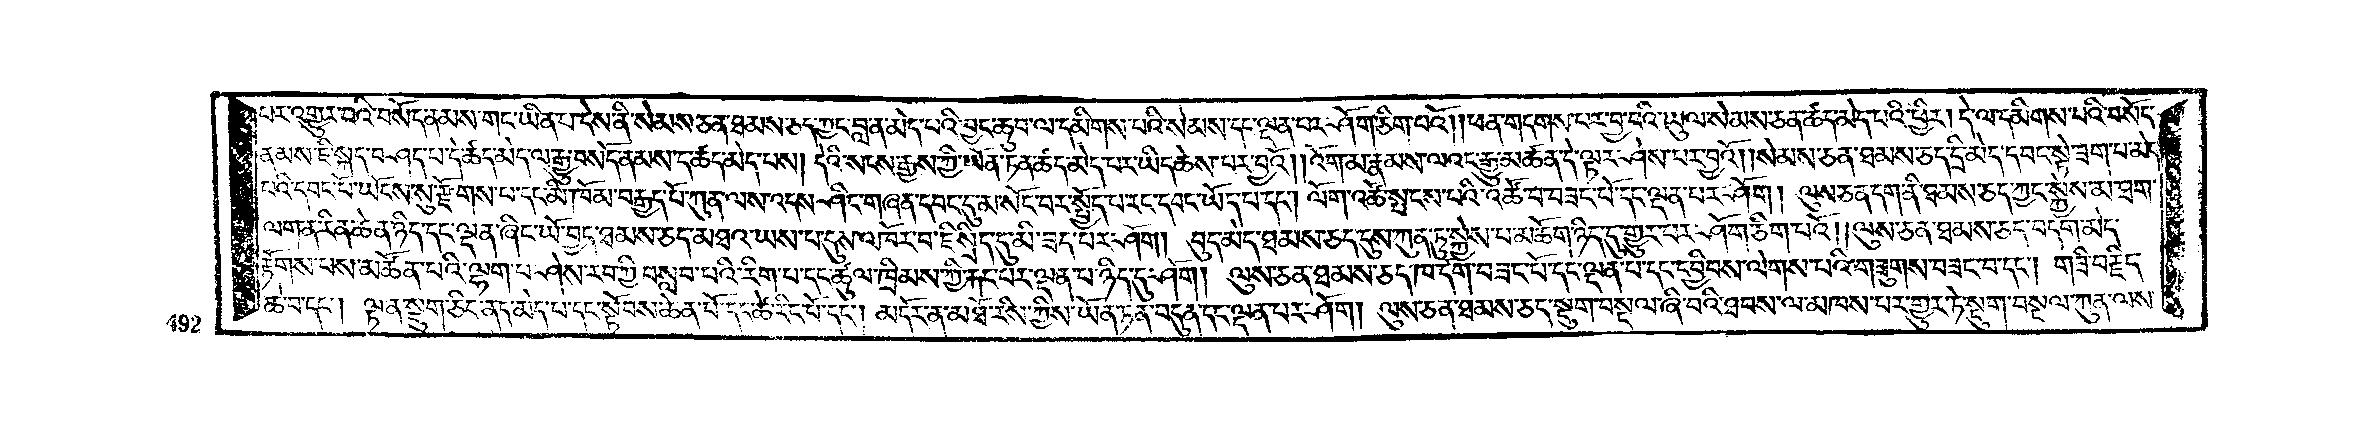པར་འགྱུར་བའི་བསོད་ནམས་གང་ཡིན་པ་དེས་ནི་སེམས་ཅན་ཐམས་ཅད་ཀྱང་བླ་ན་མེད་པའི་བྱང་ཆུབ་ལ་དམིགས་པའི་སེམས་དང་ལྡན་པར་ཤོག་གཅིག་པའོ། །ཕན་གདགས་པར་བྱ་བའི་ཡུལ་སེམས་ཅན་ཚད་མེད་པའི་ཕྱིར། དེ་ལ་དམིགས་པའི་བསོད་
ནམས་ཇི་སྐད་བཤད་པ་དེ་ཚད་མེད་ལ་རྒྱུ་བསོད་ནམས་ད་ཚད་མེད་པས། དེའི་སངས་རྒྱས་ཀྱི་ཡོན་ཏན་ཚད་མེད་པར་ཡིད་ཆེས་པར་བྱའོ། །འོག་མ་རྣམས་ལའང་རྒྱུ་མཚན་དེ་ལྟར་ཤེས་པར་བྱའོ། །སེམས་ཅན་ཐམས་ཅད་དྲི་མེད་དབང་སྟེ་ཟག་པ་མེད་
པའི་དབང་པོ་ཡོངས་སུ་རྫོགས་པ་དང་མི་ཁོམ་བརྒྱད་པོ་ཀུན་ལས་འདས་ཤིང་གཞན་དབང་དུ་མ་སོང་བར་སྤྱོད་པ་རང་དབང་ཡོད་པ་དང་། ལོག་འཚོ་སྤངས་པའི་འཚོ་བ་བཟང་པོ་དང་ལྡན་པར་ཤོག །ལུས་ཅན་དག་ནི་ཐམས་ཅད་ཀྱང་སྐྱེས་མ་ཐག་
ལག་ན་རིན་ཆེན་ཉིད་དང་ལྡན་ཞིང་ཡོ་བྱད་ཐམས་ཅད་མཐའ་ཡས་པ་དུས་འཁོར་བ་ཇི་སྲིད་དུ་མི་ཟད་པར་ཤོག །བུད་མེད་ཐམས་ཅད་དུས་ཀུན་ཏུ་སྐྱེས་པ་མཆོག་ཉིད་དུ་གྱུར་པར་ཤོག་ཅིག་པའོ། །ལུས་ཅན་ཐམས་ཅད་བདག་མེད་
རྟོགས་པས་མཚོན་པའི་ལྷག་པ་ཤེས་རབ་ཀྱི་བསླབ་པའི་རིག་པ་དང་ཚུལ་ཁྲིམས་ཀྱི་རྐང་པར་ལྡན་པ་ཉིད་དུ་ཤོག །ལུས་ཅན་ཐམས་ཅད་ཁ་དོག་བཟང་པོ་དང་ལྡན་པ་དང་དབྱིབས་ལེགས་པའི་གཟུགས་བཟང་བ་དང་། གཟི་བརྗིད་
ཆེ་བ་དང་། ལྟ་ན་སྡུག་ཅིང་ནད་མེད་པ་དང་སྟོབས་ཆེན་པོ་དང་ཚེ་རིང་པོ་དང་། མདོར་ན་མཐོ་རིས་ཀྱིས་ཡོན་ཏན་བདུན་དང་ལྡན་པར་ཤོག །ལུས་ཅན་ཐམས་ཅད་སྡུག་བསྔལ་ཞི་བའི་ཐབས་ལ་མཁས་པར་གྱུར་ཏེ་སྡུག་བསྔལ་ཀུན་ལས་